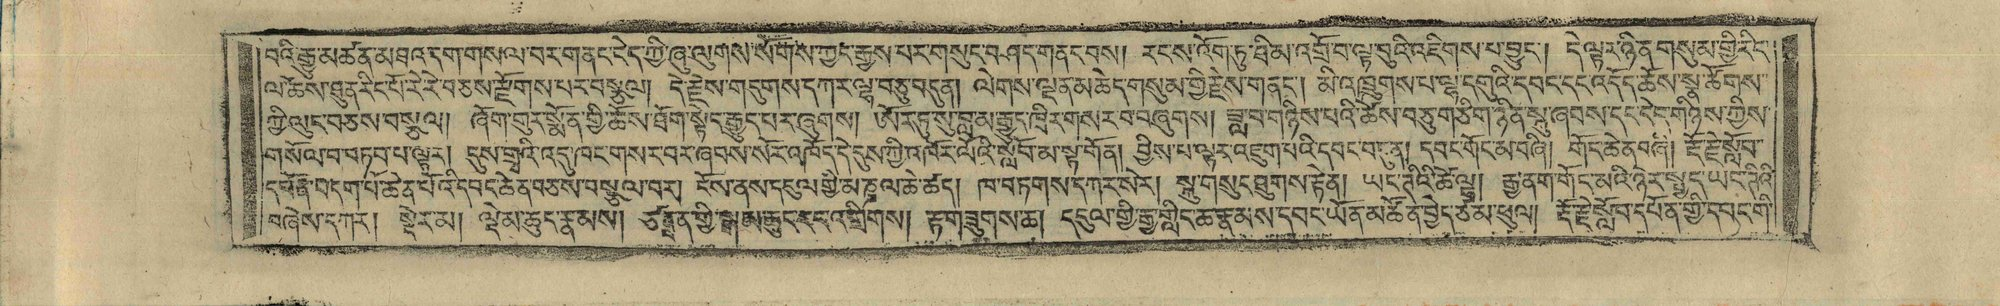བའི་རྒྱུ་མཚན་མཐའ་དག་གསལ་བར་གནང་ངེད་ཀྱི་ཞུ་ལུགས་སོགས་ཀྱང་རྒྱས་པར་གསུང་བཤད་གནང་བས། རང་ས་འོག་ཏུ་ཐིམ་འགྲོ་བ་ལྟ་བུའི་འཇིགས་པ་བྱུང་། དེ་ལྟར་ཉིན་གསུམ་གྱི་རིང་
ལ་ཆོས་ཐུན་རིང་པོ་རེ་རེ་བཅས་རྫོགས་པར་བསྩལ། དེ་རྗེས་གདུགས་དཀར་ལྷ་བཅུ་བདུན། ལེགས་ལྡན་མཆེད་གསུམ་གྱི་རྗེས་གནང་། མི་འཁྲུགས་པ་ལྷ་དགུའི་དབང་དང་འདོད་ཆོས་སྣ་ཚོགས་
ཀྱི་ལུང་བཅས་བསྩལ། ཞོག་གུར་སྨོན་གྱི་ཆོས་ཐོག་སྟེང་རྒྱུད་པར་ཞུགས། ཨོར་ཏུ་སུ་བླ་མ་རྒྱུད་ཁྲིར་གསར་བ་བཞུགས། ཟླ་བ་གཉིས་པའི་ཚེས་བཅུ་གཅིག་ཉིན་སྐུ་ཞབས་དང་ངེད་གཉིས་ཀྱིས་
གསོལ་བ་བཏབ་པ་ལྟར། དུས་གྲྭའི་འདུ་ཁང་གསར་པར་ཞབས་སོར་འཁོད་དེ་དུས་ཀྱི་འཁོར་ལོའི་སློབ་མ་སྟ་གོན། བྱིས་པ་ལྟར་འཇུག་པའི་དབང་བདུན། དབང་གོང་མ་བཞི། གོང་ཆེན་བཞི། རྡོ་རྗེ་སློབ་
དཔོན་བདག་པོ་ཆེན་པོའི་དབང་ཆེན་བཅས་བསྩལ་བར། ངོས་ནས་དངུལ་གྱི་མཎྜལ་ཆེ་ཚད། ཁ་བཏགས་དཀར་སེར། སྐུ་གསུང་ཐུགས་རྟེན། ཡང་ཊིའི་ཚེ་ལྷ། རྒྱ་ནག་གོང་མའི་ཉེར་སྤྱད་ཡང་ཊིའི་
བཞེས་དཀར། སྡེར་མ། ལྡེམ་ཆུང་རྣམས། ཙནྡན་གྱི་སྒམ་ཆུང་རང་འགྲིགས། རྟ་གཟུགས་ཆ། དངུལ་གྱི་རྒྱ་གླིང་ཆ་རྣམས་དབང་ཡོན་མཚོན་བྱེད་ཙམ་ཕུལ། རྡོ་རྗེ་སློབ་དཔོན་གྱི་དབང་གི་